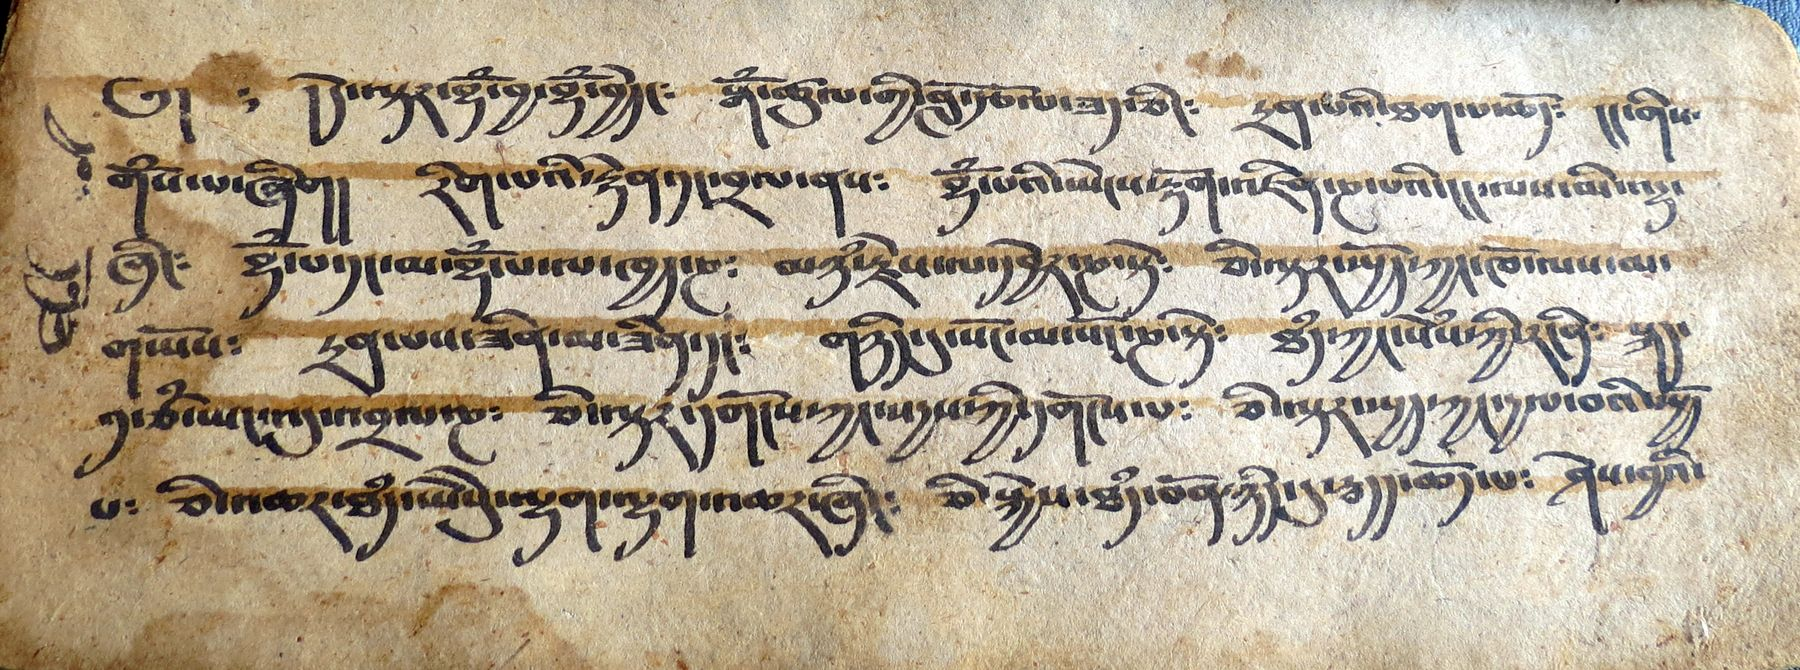དེ་ལྟར་སྒོམ་བྱ་སྒོམ་བྱེད། སྒོམ་ཚུལ་གྱི་བློ་རྩོལ་ཟད་ཅིང་། དྲན་པའི་ཐག་པ་བཅད། ངང་གིས་
གོམས་པ་ཞིག རིག་པ་རྟེན་དང་བྲལ་ནས། སྒོམ་ཡེངས་རྟོག་འཛིན་མེད་པའི་ངང་ལས་མི་འདའ་
ཞིང་། སྒོམ་པ་དང་མི་སྒོམ་པ་ལ་ཁྱད་མེད། མཉམ་རྗེས་ལ་དབྱེར་མེད་དེ། ཇི་ལྟར་སྤྱད་ཀྱང་ཁོ་ལས་མ་
གཡོས། དྲན་པས་ཟིན་མ་ཟིན་དང་། གཉིད་དུ་སོང་མ་སོང་མེད་དེ། ཐམས་ཅད་སེམས་ཀྱི་རང་བཞིན་སྐད་
ཅིག་ཙམ་ཡང་འདུ་འབྲལ་མེད་དེ། ཇི་ལྟར་དགོངས་ཀྱང་སངས་རྒྱས་ཀྱི་དགོངས་པ། ཇི་ལྟར་སྤྱོད་ཀྱང་རྒྱལ་བའི་སྤྱོད་
པ། ཅི་འཆར་ཐམས་ཅད་ཡེ་ཤེས་ལྷགས་ལྷགས་འཆར་ཏེ། ཅི་སྐྱེས་ཐམས་ཅད་བོན་ཉིད་དུ་རྦད་རྦད་ཆོད་པ། ཤེས་བྱའི་